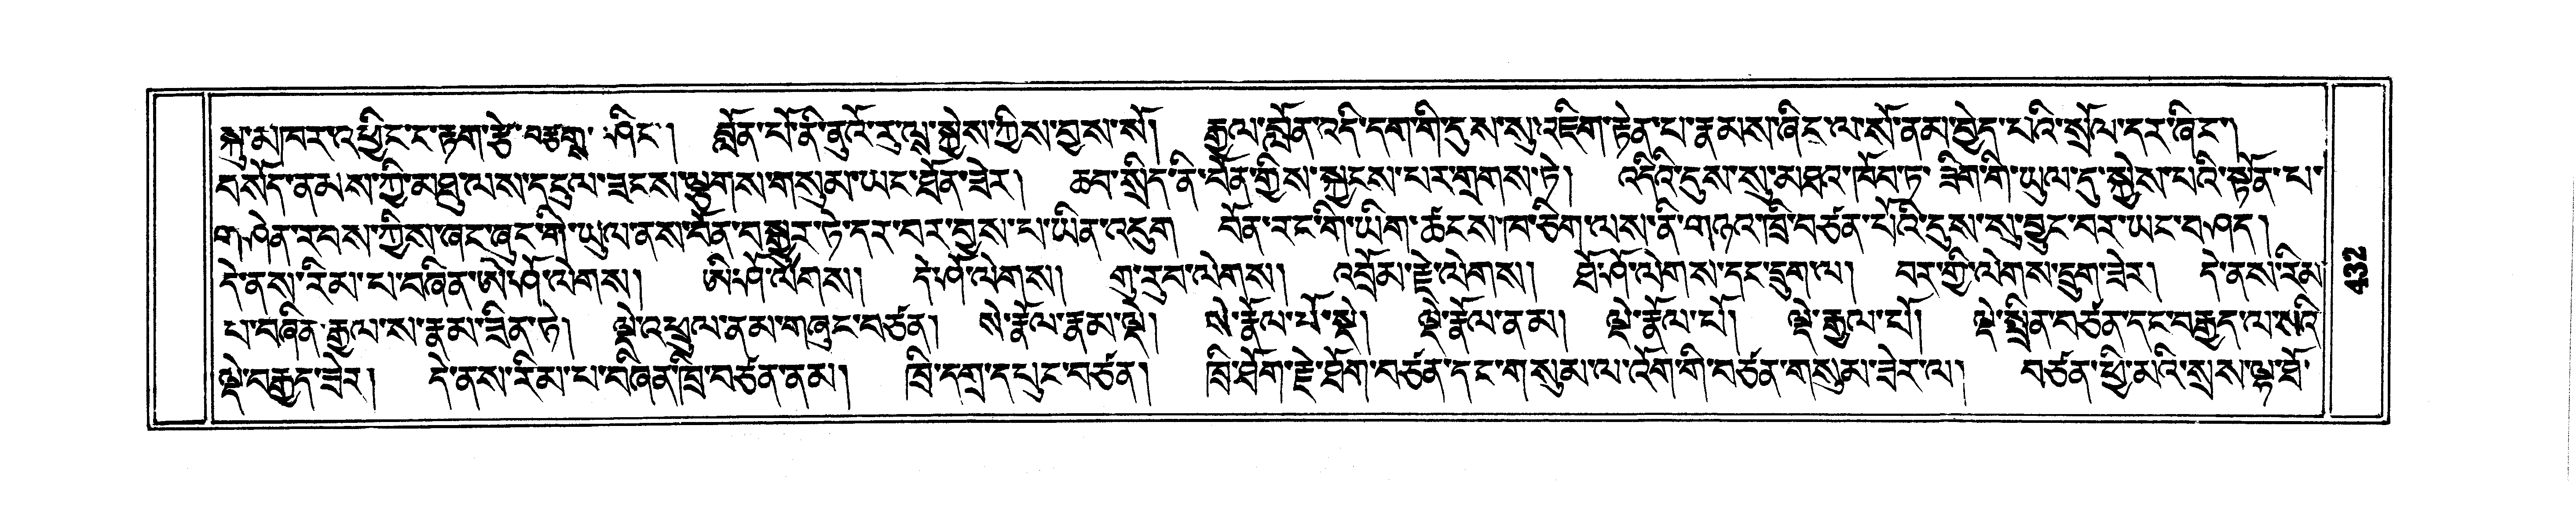སྐུ་མཁར་འཕྱིང་ང་རྟག་རྩེ་བརྩགས་ཤིང་། བློན་པོ་ནི་ནུའོ་རུ་ལས་སྐྱེས་ཀྱིས་བྱས་སོ། རྒྱལ་བློན་འདི་དག་གི་དུས་སུ་འཇིག་རྟེན་པ་རྣམས་ཞིང་ལ་སོ་ནམ་བྱེད་པའི་སྲོལ་དར་ཞིང་།
བསོད་ནམས་ཀྱི་མཐུ་ལས་དངུལ་ཟངས་ལྕགས་གསུམ་ཡང་ཐོན་ཟེར། ཆབ་སྲིད་ནི་བོན་གྱིས་སྐྱངས་པར་གྲགས་ཏེ། འདིའི་དུས་སུ་མཐའ་ཁོབ་ཏ་ཟིག་གི་ཡུལ་དུ་སྐྱེས་པའི་སྟོན་པ་
གཤེན་རབས་ཀྱིས་ཞང་ཞུང་གི་ཡུལ་ནས་བོན་བསྒྱུར་ཏེ་དར་བར་བྱས་པ་ཡིན་འདུག་བོན་རང་གི་ཡིག་ཚངས་ཁ་ཅིག་ལས་ནི་གཉའ་ཁྲི་བཙན་པོའི་དུས་སུ་བྱུང་བར་ཡང་བཤད།
དེ་ནས་རིམ་པ་བཞིན་ཨེ་ཤོ་ལེགས། ཨི་ཤོ་ལེགས། དེ་ཤོ་ལེགས། གུ་རུབ་ལེགས། འབྲོམ་རྗེ་ལེགས། ཐོ་ཤོ་ལེགས་དང་དྲུག་ལ། བར་གྱི་ལེགས་དྲུག་ཟེར། དེ་ནས་རིམ་
པ་བཞིན་རྒྱལ་ས་རྣམ་ཟིན་ཏེ། ལྡེ་འཕྲུལ་ནམ་གཞུང་བཙན། སེ་རྣོལ་རྣམ་ལྡེ། སེ་རྣོལ་པོ་སྡེ། ལྡེ་རྣོལ་ནམ། ལྡེ་རྣོལ་པོ། ལྡེ་རྒྱལ་པོ། ལྡེ་སྤྲིན་བཙན་དང་བརྒྱད་ལ་སའི་
ལྡེ་བརྒྱད་ཟེར། དེ་ནས་རིམ་པ་བཞིན་ཁྲི་བཙན་ནམ། ཁྲི་དགྲ་དཔུང་བཙན། ཁྲི་ཐོག་རྗེ་ཐོག་བཙན་དང་གསུམ་ལ་འོག་གི་བཙན་གསུམ་ཟེར་ལ། བཙན་ཕྱི་མའི་སྲས་ལྷ་ཐོ་